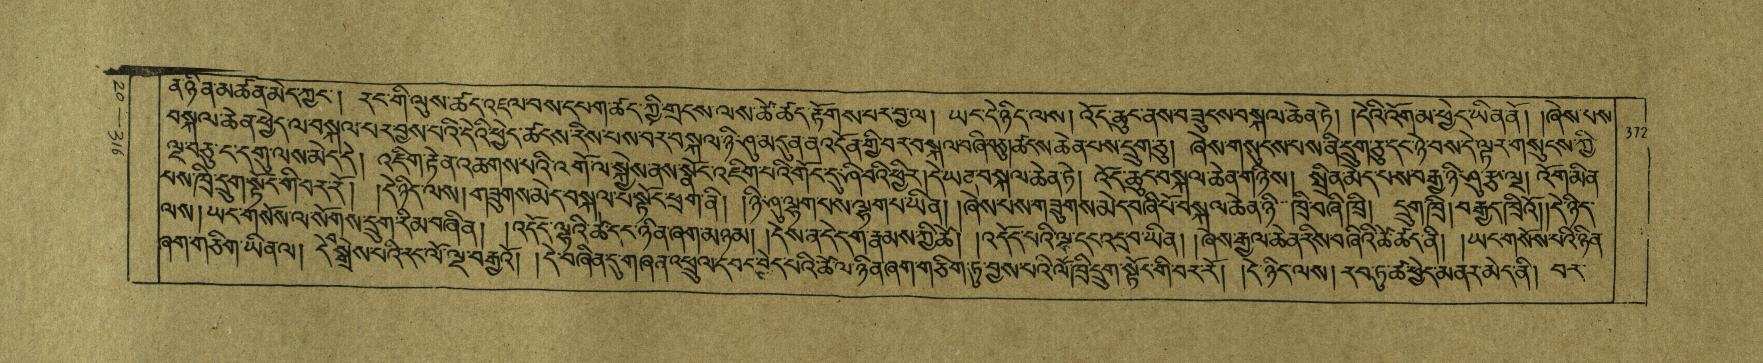ན་ཉིན་མཚན་མེད་ཀྱང་། རང་གི་ལུས་ཚད་འཇལ་བས་དཔག་ཚད་ཀྱི་གྲངས་ལས་ཚེ་ཚད་རྟོགས་པར་བྱ་ལ། ཡང་དེ་ཉིད་ལས། འོད་ཆུང་ནས་བཟུངས་བསྐལ་ཆེན་ཏེ། །དེའི་འོག་མ་ཕྱེད་ཡིན་ནོ། །ཞེས་པས་
བསྐལ་ཆེན་ཕྱེད་ལ་བསྐལ་པར་བྱས་པའི་དེའི་ཕྱེད་ཚངས་རིས་པས་བར་བསྐལ་ཉི་ཤུ་མདུན་ན་འདོན་གྱི་བར་བསྐལ་བཞི་བཅུ། ཚངས་ཆེན་པས་དྲུག་ཅུ། ཞེས་གསུངས་པས་ནི་དྲུག་ཅུ་དང་ཉེ་བས་དེ་ལྟར་གསུངས་ཀྱི་
ལྔ་བཅུ་ང་དགུ་ལས་མེད་དེ། འཇིག་རྟེན་འཆགས་པའི་འགོ་ལ་སྐྱེས་ནས་སྣོང་འཇིག་པའི་གོང་དུ་ཤི་བའི་ཕྱིར། དེ་ཡན་བསྐལ་ཆེན་ཏེ། འོད་ཆུང་བསྐལ་ཆེན་གཉིས། སྤྲིན་མེད་པས་བརྒྱ་ཉི་ཤུ་རྩ་ལྔ། འོག་མིན་
པས་ཁྲི་དྲུག་སྟོང་གི་བར་རོ། །དེ་ཉིད་ལས། གཟུགས་མེད་བསྐལ་པ་སྟོང་ཕྲག་ནི། །ཉི་ཤུ་ལྷག་པས་ལྷག་པ་ཡིན། །ཞེས་པས་གཟུགས་མེད་བཞི་པོ་བསྐལ་ཆེན་ཉི་ཁྲི་བཞི་ཁྲི། དྲུག་ཁྲི། བརྒྱད་ཁྲིའོ། །དེ་ཉིད་
ལས། ཡང་གསོས་ལ་སོགས་དྲུག་རིམ་བཞིན། །འདོད་ལྷའི་ཚེ་དང་ཉིན་ཞག་མཉམ། །དེས་ན་དེ་དག་རྣམས་ཀྱི་ཚེ། །འདོད་པའི་ལྷ་དང་འདྲ་བ་ཡིན། །ཞེས་རྒྱལ་ཆེན་རིས་བཞིའི་ཚེ་ཚད་ནི། །ཡང་གསོས་པའི་ཉིན་
ཞག་གཅིག་ཡིན་ལ། དེ་སྒྲེས་པའི་རང་ལོ་ལྔ་བརྒྱའོ། །དེ་བཞིན་དུ་གཞན་འཕྲུལ་དབང་བྱེད་པའི་ཚེ་ལ་ཉིན་ཞག་གཅིག་ཏུ་བྱས་པའི་ལོ་ཁྲི་དྲུག་སྟོང་གི་བར་རོ། །དེ་ཉིད་ལས། རབ་ཏུ་ཚ་ཕྱེད་མནར་མེད་ནི། བར་